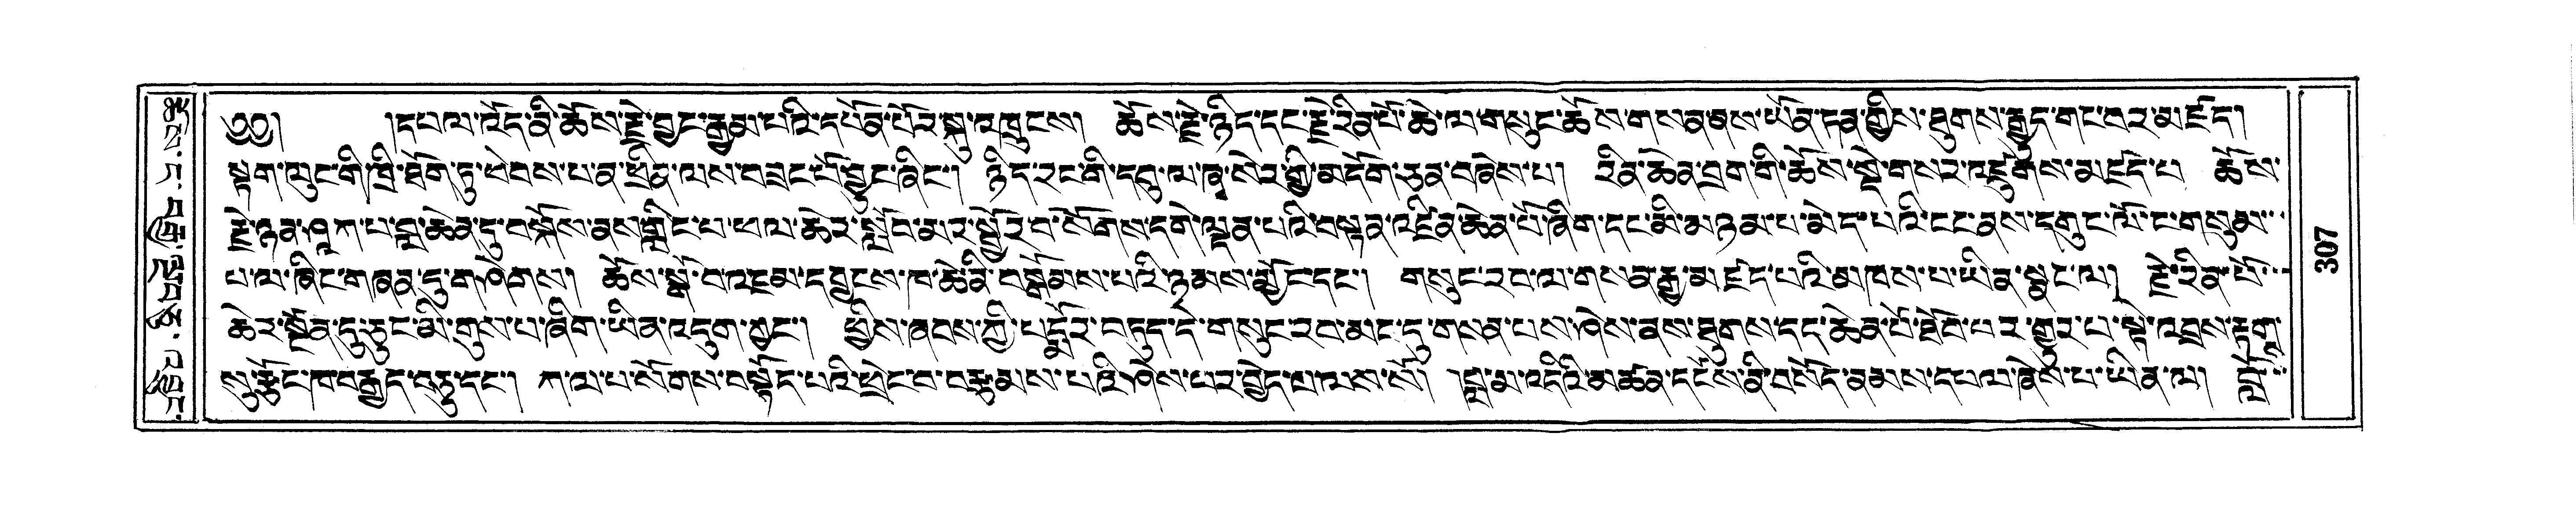༄༅། །དཔལ་འོད་ནི་ཆོས་རྗེ་བྱང་རྒྱམ་པའི་དཔོན་པོར་སྐུ་འཁྲུངས། ཆོས་རྗེ་ཉིད་དང་རྗེ་རིན་པོ་ཆེ་ལ་གསུང་ཆོས་གསན་ནས་ཡོན་ཏན་གྱིས་ཐུགས་རྒྱུད་གང་བར་མཛད།
སྟག་ལུང་གི་ཁྲི་ཐོག་ཏུ་ཕེབས་པ་ན་ཕྲིན་ལས་བཟང་པོ་བྱུང་ཞིང་། ཉིད་རང་གི་དབུ་ལ་ཞྭ་སེར་གྱི་མདོག་ཅན་བཞེས་པ། རིན་ཆེན་བྲག་གི་ཆོས་སྡེ་གསར་འཛུགས་མཛད་པ། ཆོས་
རྗེ་ཉན་ཤཱ་ཀ་པ་བླ་ཆེན་དུ་བསྐོས་ནས་གླིང་པ་ཕལ་ཆེར་སློབ་མར་སྦྱོར་བ་སོགས་དགེ་ལྡན་པའི་བསྟན་འཛིན་ཆེན་པོ་ཞིག་དང་མི་མཉམ་པ་མེད་པའི་ངང་ནས་དགུང་ལོ་ང་གསུམ་
པ་ལ་ཞིང་གཞན་དུ་གཤེགས། ཆོས་སྒོ་བ་འཇམ་དབྱངས་ཁ་ཆེ་ནི་བསྒོམས་པའི་ཉམས་མྱོང་དང་། གསུང་རབ་ལ་གསན་རྒྱ་མཛད་པའི་མཁས་པ་ཡིན་སྣང་ལ། རྗེ་རིན་པོ་
ཆེར་སྔོན་དུ་ཅུང་མི་གུས་པ་ཞིག་ཡིན་འདུག་ཀྱང་། ཕྱིས་ཞབས་ཀྱི་པདམོར་བཏུད་དེ་གསུང་རབ་མང་དུ་གསན་པས་ཤེས་ནས་ཐུགས་དད་ཆེན་པོ་ཐོབ་པར་གྱུར་པ་སྟེ་འབྲས་རྟགས་
སུ་རྩོང་ཁ་བརྒྱད་བཅུ་དང་། ཀ་ལ་པ་སོགས་བསྟོད་པའི་ཕྲེང་བ་བརྩམས་པའི་ཤེས་པར་བྱེད་པ་ལས་སོ། །བླ་མ་འདིའི་མཚན་དངོས་ནི་བསོད་ནམས་དཔལ་ཞེས་པ་ཡིན་ལ། བློ་